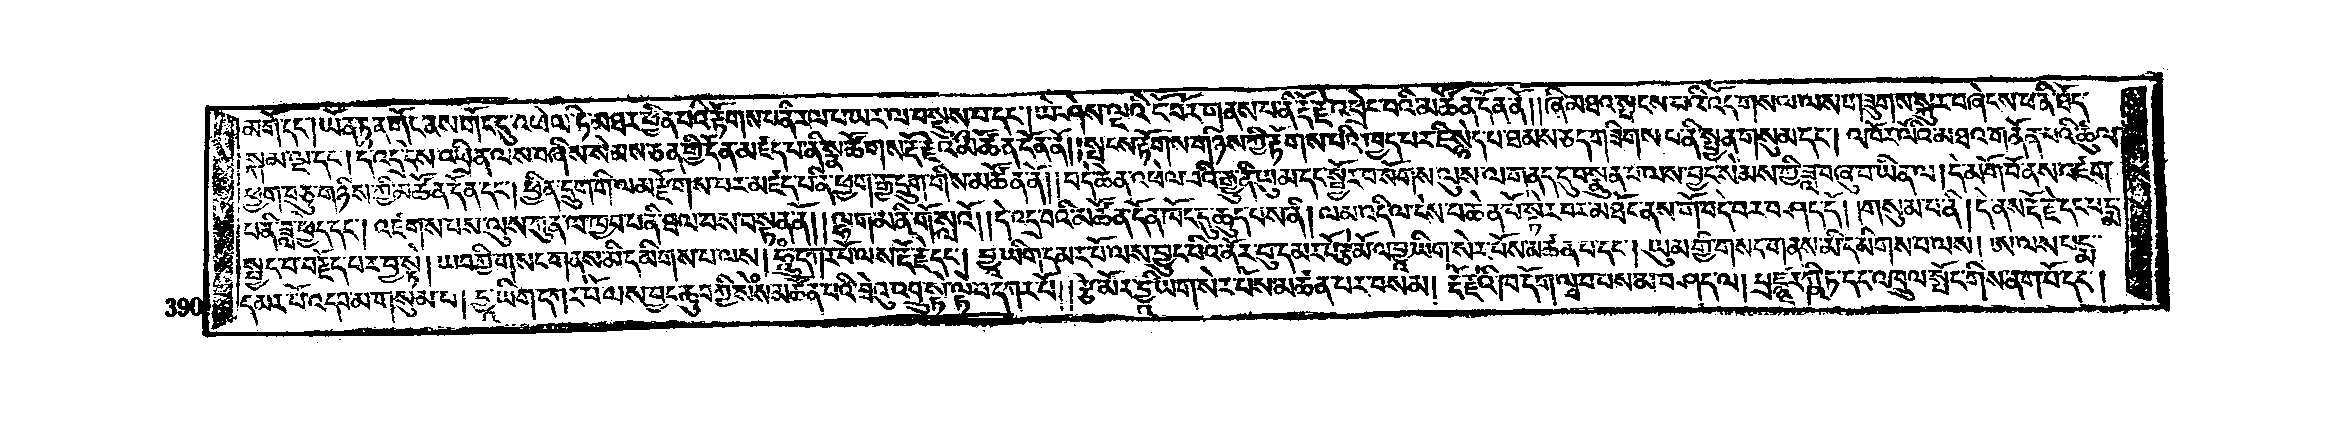མགོ་དང་། ཡོན་ཏན་གོང་ནས་གོང་དུ་འཕེལ་ཏེ་མཐར་ཕྱིན་པའི་རྟོགས་པ་ནི་རལ་པ་ཡར་ལ་བསྡུས་པ་དང་། ཡེ་ཤེས་ལྔའི་ངོ་བོར་གནས་པ་ནི་རྡོ་རྗེ་འཕྲེང་བའི་མཚོན་དོན་ནོ། །ཞི་མཐའ་སྤངས་པའི་འོད་གསལ་ལས་གཟུགས་སྐུར་བཞེངས་པ་ནི་ཐོད་
སྐམ་ལྔ་དང་། དེ་འདྲ་ངེས་འཕྲིན་ལས་བཞིས་སེམས་ཅན་གྱི་དོན་མཛད་པ་ནི་སྣ་ཚོགས་རྡོ་རྗེའི་མཚོན་དོན་ནོ། །སྤངས་རྟོགས་གཉིས་ཀྱི་རྟོགས་པའི་ཁྱད་པར་ཇི་སྙེད་པ་ཐམས་ཅད་གཟིགས་པ་ནི་སྤྱན་གསུམ་དང་། འཁོར་ལོའི་མཐའ་གནོན་པའི་ཚུལ་
ཕྱག་བཅུ་གཉིས་ཀྱི་མཚོན་དོན་དང་། ཕྱིན་དྲུག་གི་ལམ་རྫོགས་པར་མཛད་པ་ནི་ཕྱག་རྒྱ་དྲུག་གིས་མཚོན་ནོ། །བདེ་ཆེན་འཕེལ་བའི་རྒྱུ་ནི་ཡུམ་དང་སྦྱོར་བ་སོགས་ལུས་ལ་གནད་དུ་བསྣུན་པ་ལས་བྱང་སེམས་ཀྱི་ཟླ་བཞུ་བ་ཡིན་ལ། དེ་མགོ་བོ་ནས་འཛག་
པ་ནི་ཟླ་ཕྱེད་དང་། འཛགས་པས་ལུས་ཀུན་ལ་ཁྱབ་པ་ནི་ཐལ་བས་བསྟན་ནོ། །ལྷག་མ་ནི་གོ་སླའོ། །དེ་འདྲ་བའི་མཚོན་དོན་ཁོང་དུ་ཆུད་པས་ནི། ལམ་འདི་ལ་ངེས་པ་ཆེན་པོ་སྟེར་བར་མཐོང་ནས་གོ་བདེ་བར་བཤད་དོ། །གསུམ་པ་ནི། དེ་ནས་རྡོ་རྗེ་དང་པདམ་
སྦྱང་བ་བརྗོད་པར་བྱ་སྟེ། ཡབ་ཀྱི་གསང་གནས་མི་དམིགས་པ་ལས། ཧཱུཾ་དཀར་པོ་ལས་རྡོ་རྗེ་དང་། བྱཱ་ཡིག་དམར་པོ་ལས་བྱུང་བའི་ནོར་བུ་དམར་པོ་རྩེ་མོ་ལ་བྱཱ་ཡིག་སེར་པོས་མཚན་པ་དང་། ཡུམ་གྱི་གསང་གནས་མི་དམིགས་པ་ལས། ཨ་ལས་པདམ་
དམར་པོ་འདབ་མ་གསུམ་པ། དྱཱ་ཡིག་དཀར་པོ་ལས་བྱང་ཆུབ་ཀྱི་སེམས་མཚོན་པའི་ཟེའུ་འབྲུ་སྟེ་ལྟེ་བ་དཀར་པོ། །རྩེ་མོར་དྱཱ་ཡིག་སེར་པོས་མཚན་པར་བསམ། རྡོ་རྗེའི་ཁ་དོག་ལྭ་བ་པས་མ་བཤད་ལ། པྲཛྙཱ་རཀྵི་ཏ་དང་འཁྲུལ་སྤོང་གིས་ནག་པོ་དང་།